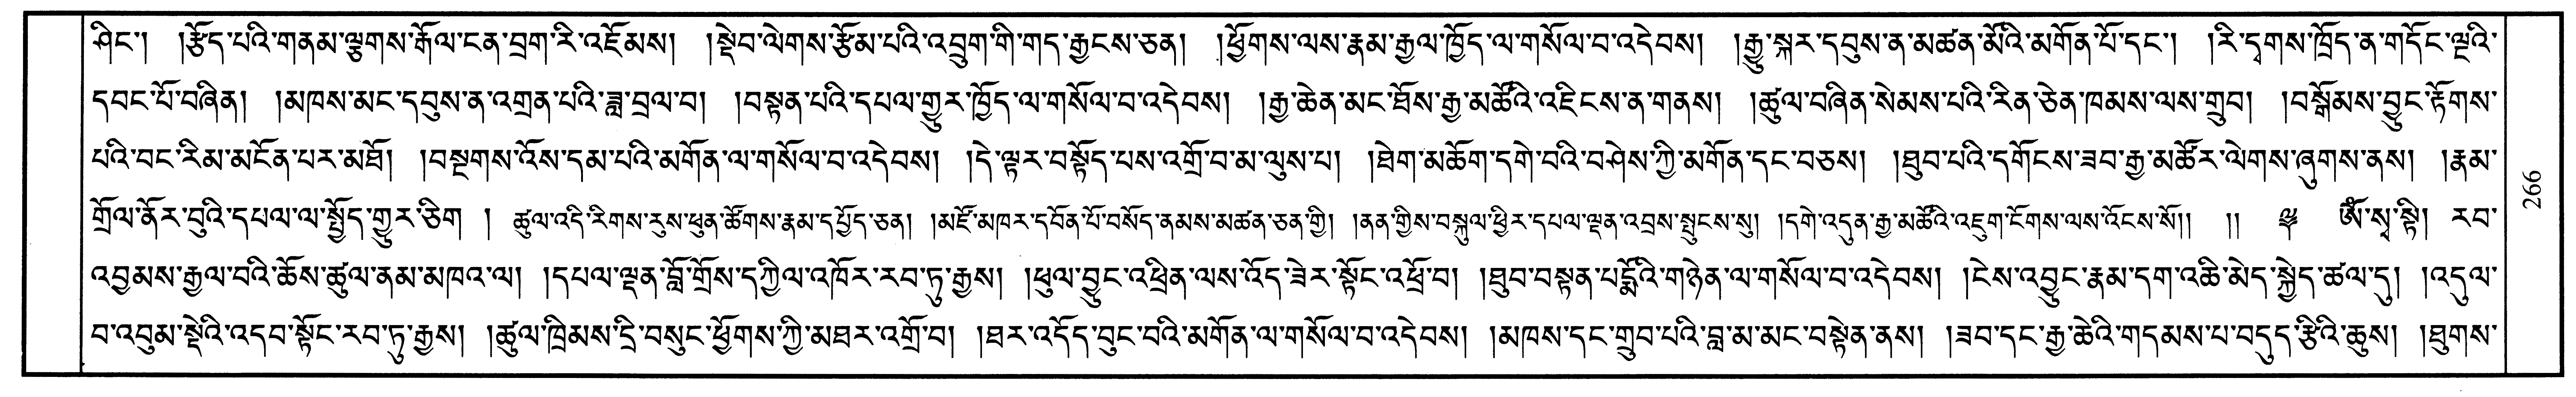ཤིང་། །རྩོད་པའི་གནམ་ལྕགས་རྒོལ་ངན་བྲག་རི་འཇོམས། །སྡེབ་ལེགས་རྩོམ་པའི་འབྲུག་གི་གད་རྒྱངས་ཅན། །ཕྱོགས་ལས་རྣམ་རྒྱལ་ཁྱོད་ལ་གསོལ་བ་འདེབས། །རྒྱུ་སྐར་དབུས་ན་མཚན་མོའི་མགོན་པོ་དང་། །རི་དྭགས་ཁྲོད་ན་གདོང་ལྔའི་
དབང་པོ་བཞིན། །མཁས་མང་དབུས་ན་འགྲན་པའི་ཟླ་བྲལ་བ། །བསྟན་པའི་དཔལ་གྱུར་ཁྱོད་ལ་གསོལ་བ་འདེབས། །རྒྱ་ཆེན་མང་ཐོས་རྒྱ་མཚོའི་འཇིངས་ན་གནས། །ཚུལ་བཞིན་སེམས་པའི་རིན་ཅེན་ཁམས་ལས་གྲུབ། །བསྒོམས་བྱུང་རྟོགས་
པའི་བང་རིམ་མངོན་པར་མཐོ། །བསྔགས་འོས་དམ་པའི་མགོན་ལ་གསོལ་བ་འདེབས། །དེ་ལྟར་བསྟོད་པས་འགྲོ་བ་མ་ལུས་པ། །ཐེག་མཆོག་དགེ་བའི་བཤེས་ཀྱི་མགོན་དང་བཅས། །ཐུབ་པའི་དགོངས་ཟབ་རྒྱ་མཚོར་ལེགས་ཞུགས་ནས། །རྣམ་
གྲོལ་ནོར་བུའི་དཔལ་ལ་སྤྱོད་གྱུར་ཅིག །ཚུལ་འདི་རིགས་རུས་ཕུན་ཚོགས་རྣམ་དཔྱོད་ཅན། །མཛོ་མཁར་དབོན་པོ་བསོད་ནམས་མཚན་ཅན་གྱི། །ནན་གྱིས་བསྐུལ་ཕྱིར་དཔལ་ལྡན་འབྲས་སྤུངས་སུ། །དགེ་འདུན་རྒྱ་མཚོའི་འཇུག་ངོགས་ལས་འོངས་སོ།། །། ༈ ཨོཾ་སྭ་སྟི། རབ་
འབྱམས་རྒྱལ་བའི་ཆོས་ཚུལ་ནམ་མཁའ་ལ། །དཔལ་ལྡན་བློ་གྲོས་དཀྱིལ་འཁོར་རབ་ཏུ་རྒྱས། །ཕུལ་བྱུང་འཕྲིན་ལས་འོད་ཟེར་སྟོང་འཕྲོ་བ། །ཐུབ་བསྟན་པདམོའི་གཉེན་ལ་གསོལ་བ་འདེབས། །ངེས་འབྱུང་རྣམ་དག་འཆི་མེད་སྐྱེད་ཚལ་དུ། །འདུལ་
བ་འབུམ་སྡེའི་འདབ་སྟོང་རབ་ཏུ་རྒྱས། །ཚུལ་ཁྲིམས་དྲི་བསུང་ཕྱོགས་ཀྱི་མཐར་འགྲོ་བ། །ཐར་འདོད་བུང་བའི་མགོན་ལ་གསོལ་བ་འདེབས། །མཁས་དང་གྲུབ་པའི་བླ་མ་མང་བསྟེན་ནས། །ཟབ་དང་རྒྱ་ཆེའི་གདམས་པ་བདུད་རྩིའི་ཆུས། །ཐུགས་